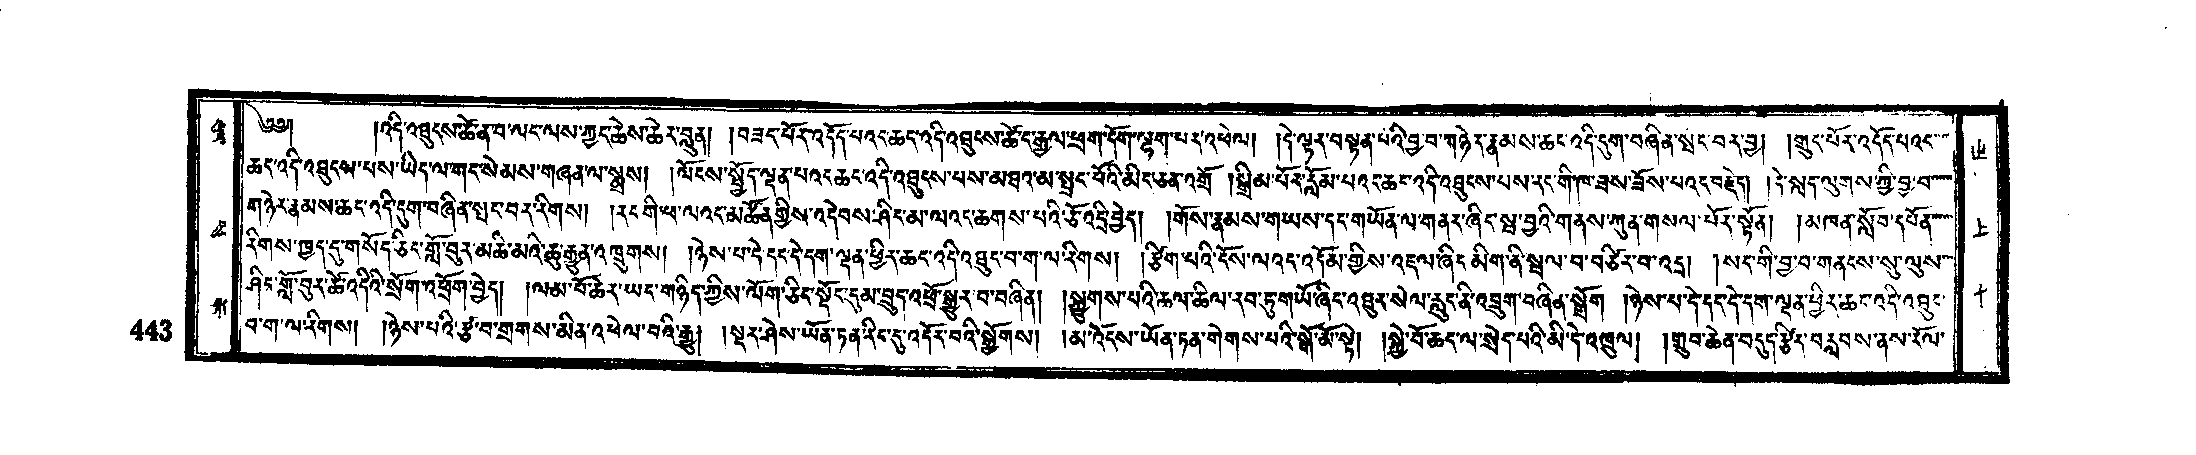༄༅། །འདི་འཐུངས་ཚེ་ན་བ་ལང་ལས་ཀྱང་ཆེས་ཆེར་བླུན། །བཟང་པོར་འདོད་པའང་ཆང་འདི་འཐུངས་ཚེ་ང་རྒྱལ་ཕྲག་དོག་ལྷག་པར་འཕེལ། །དེ་ལྟར་བསྟན་པའི་བྱ་བ་གཉེར་རྣམས་ཆང་འདི་དུག་བཞིན་སྤང་བར་བྱ། །གྲུང་པོར་འདོད་པའང་
ཆང་འདི་འཐུངས་པས་ཡིད་ལ་གང་སེམས་གཞན་ལ་སྨྲས། །ལོངས་སྤྱོད་ལྡན་པའང་ཆང་འདི་འཐུངས་པས་མཐའ་མ་སྤྲང་པོའི་མིང་ཅན་འགྲོ་།སྒྲིམ་པོར་རློམ་པའང་ཆང་འདི་འཐུངས་པས་རང་གི་ཁ་ཟས་ཟོས་པའང་བརྗེད། །དེ་སླད་ལུགས་ཀྱི་བྱ་བ་
གཉེར་རྣམས་ཆང་འདི་དུག་བཞིན་སྤང་བར་རིགས། །རང་གི་ཕ་ལའང་མཚོན་གྱིས་འདེབས་ཤིང་མ་ལའང་ཆགས་པའི་ཅོ་འདྲི་བྱེད། །གོས་རྣམས་གཡས་དང་གཡོན་ལ་གནར་ཞིང་སྦ་བྱའི་གནས་ཀུན་གསལ་པོར་སྟོན། །མཁན་སློབ་དཔོན་
རིགས་ཁྱད་དུ་གསོད་ཅིང་གློ་བུར་མཆི་མའི་ཆུ་རྒྱུན་འཁྲུགས། །ཉེས་པ་དེ་དང་དེ་དག་ལྡན་ཕྱིར་ཆང་འདི་འཐུང་བ་ག་ལ་རིགས། །རྩིག་པའི་ངོས་ལའང་འདོམ་གྱིས་འཇལ་ཞིང་མིག་ནི་སྦལ་བ་བཙིར་བ་འདྲ། །སང་གི་བྱ་བ་གནངས་སུ་ལུས་
ཤིང་གློ་བུར་ཚེ་འདིའི་སྲོག་འཕྲོག་བྱེད། །ལམ་པོ་ཆེར་ཡང་གཉིད་ཀྱིས་ལོག་ཅིང་སྡོང་དུམ་བྲུད་འཕྲོ་སྒྱུར་བ་བཞིན། །སྐྱུགས་པའི་ཆལ་ཆིལ་རབ་ཏུ་གཡོ་ཞིང་འཐུར་སེལ་རླུང་ནི་འབྲུག་བཞིན་སྒྲོག །ཉེས་པ་དེ་དང་དེ་དག་ལྡན་ཕྱིར་ཆང་འདི་འཐུང་
བ་ག་ལ་རིགས། །ཉེས་པའི་རྩ་བ་གྲགས་མིན་འཕེལ་བའི་རྒྱུ། །སྔར་ཤེས་ཡོན་ཏན་རིང་དུ་འདོར་བའི་སྒྱོགས། །མ་འོངས་ཡོན་ཏན་གེགས་པའི་སྒོ་མོ་སྟེ། །སྐྱེ་བོ་ཆང་ལ་སྲེད་པའི་མི་དེ་འཁྲུལ། །གྲུབ་ཆེན་བདུད་རྩིར་བརླབས་ནས་རོལ་